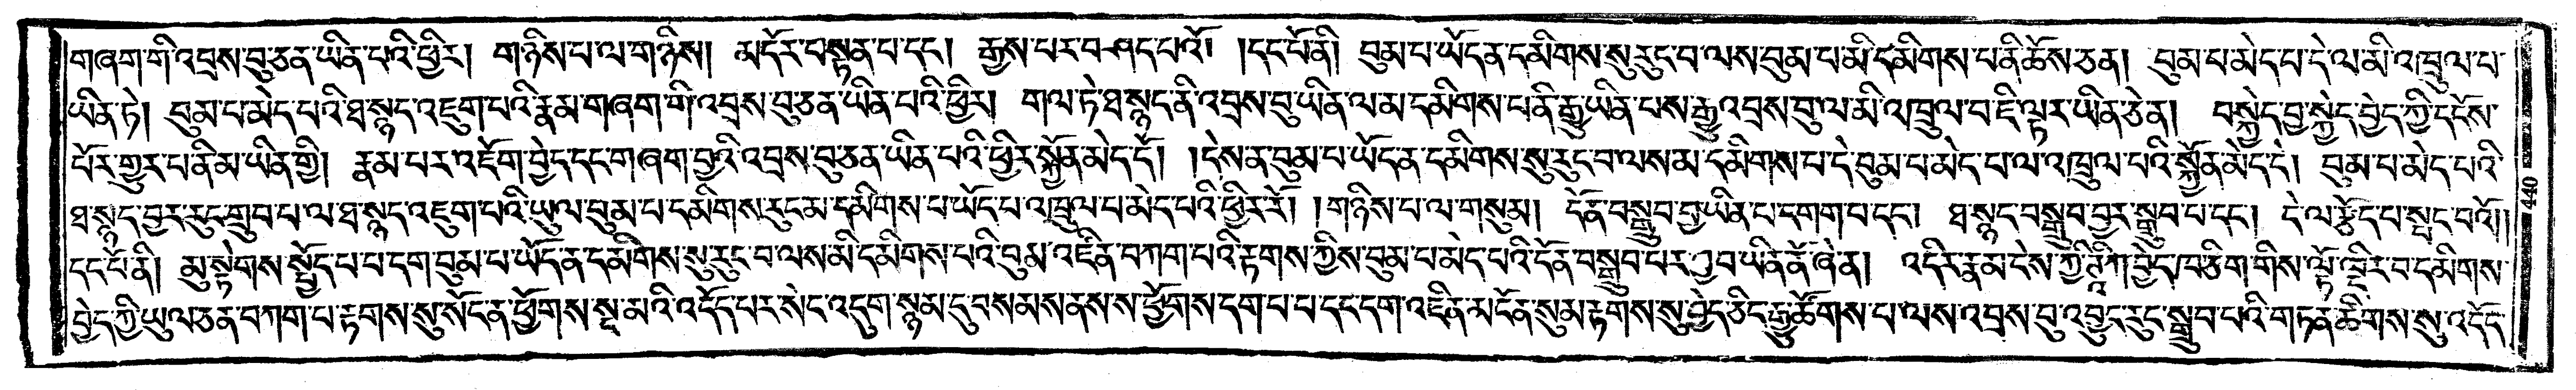གཞག་གི་འབྲས་བུ་ཅན་ཡིན་པའི་ཕྱིར། གཉིས་པ་ལ་གཉིས། མདོར་བསྟན་པ་དང་། རྒྱས་པར་བཤད་པའོ། །དང་པོ་ནི། བུམ་པ་ཡོད་ན་དམིགས་སུ་རུང་བ་ལས་བུམ་པ་མི་དམིགས་པ་ནི་ཆོས་ཅན། བུམ་པ་མེད་པ་དེ་ལ་མི་འཁྲུལ་པ་
ཡིན་ཏེ། བུམ་པ་མེད་པའི་ཐ་སྙད་འཇུག་པའི་རྣམ་གཞག་གི་འབྲས་བུ་ཅན་ཡིན་པའི་ཕྱིར། གལ་ཏེ་ཐ་སྙད་ནི་འབྲས་བུ་ཡིན་ལ་མ་དམིགས་པ་ནི་རྒྱུ་ཡིན་པས་རྒྱུ་འབྲས་བུ་ལ་མི་འཁྲུལ་བ་ཇི་ལྟར་ཡིན་ཅེ་ན། བསྐྱེད་བྱ་སྐྱེད་བྱེད་ཀྱི་དངོས་
པོར་གྱུར་པ་ནི་མ་ཡིན་གྱི། རྣམ་པར་འཇོག་བྱེད་དང་གཞག་བྱའི་འབྲས་བུ་ཅན་ཡིན་པའི་ཕྱིར་སྐྱོན་མེད་དོ། །དེས་ན་བུམ་པ་ཡོད་ན་དམིགས་སུ་རུང་བ་ལས་མ་དམིགས་པ་དེ་བུམ་པ་མེད་པ་ལ་འཁྲུལ་པའི་སྐྱོན་མེད་དེ། བུམ་པ་མེད་པའི་
ཐ་སྙད་བྱར་རུང་གྲུབ་པ་ལ་ཐ་སྙད་འཇུག་པའི་ཡུལ་བུམ་པ་དམིགས་རུང་མ་དམིགས་པ་ཡོད་པ་འཁྲུལ་པ་མེད་པའི་ཕྱིར་རོ། །གཉིས་པ་ལ་གསུམ། དོན་བསྒྲུབ་བྱ་ཡིན་པ་དགག་པ་དང་། ཐ་སྙད་བསྒྲུབ་བྱར་སྒྲུབ་པ་དང་། དེ་ལ་རྩོད་པ་སྤང་བའོ།།
དང་པོ་ནི། མུ་སྟེགས་སྤྱོད་པ་པ་དག་བུམ་པ་ཡོད་ན་དམིགས་སུ་རུང་བ་ལས་མི་དམིགས་པའི་བུམ་འཛིན་བཀག་པའི་རྟགས་ཀྱིས་བུམ་པ་མེད་པའི་དོན་བསྒྲུབ་པར་བྱ་བ་ཡིན་ནོ་ཞེ་ན། འདིར་རྣམ་ངེས་ཀྱི་ཊཱིཀ་བྱེད་ཁ་ཅིག་གིས་ལྟོ་ལྡིར་བ་དམིགས་
བྱེད་ཀྱི་ཡུལ་ཅན་བཀག་པ་རྟགས་སུ་སོང་ན་ཕྱོགས་སྔ་མའི་འདོད་པར་སེང་འདུག་སྙམ་དུ་བསམས་ནས་ས་ཕྱོགས་དག་པ་པ་དང་དག་འཛིན་མངོན་སུམ་རྟགས་སུ་བྱེད་ཅིང་རྒྱུ་ཚོགས་པ་ལས་འབྲས་བུ་འབྱུང་རུང་སྒྲུབ་པའི་གཏན་ཚིགས་སུ་འདོད་